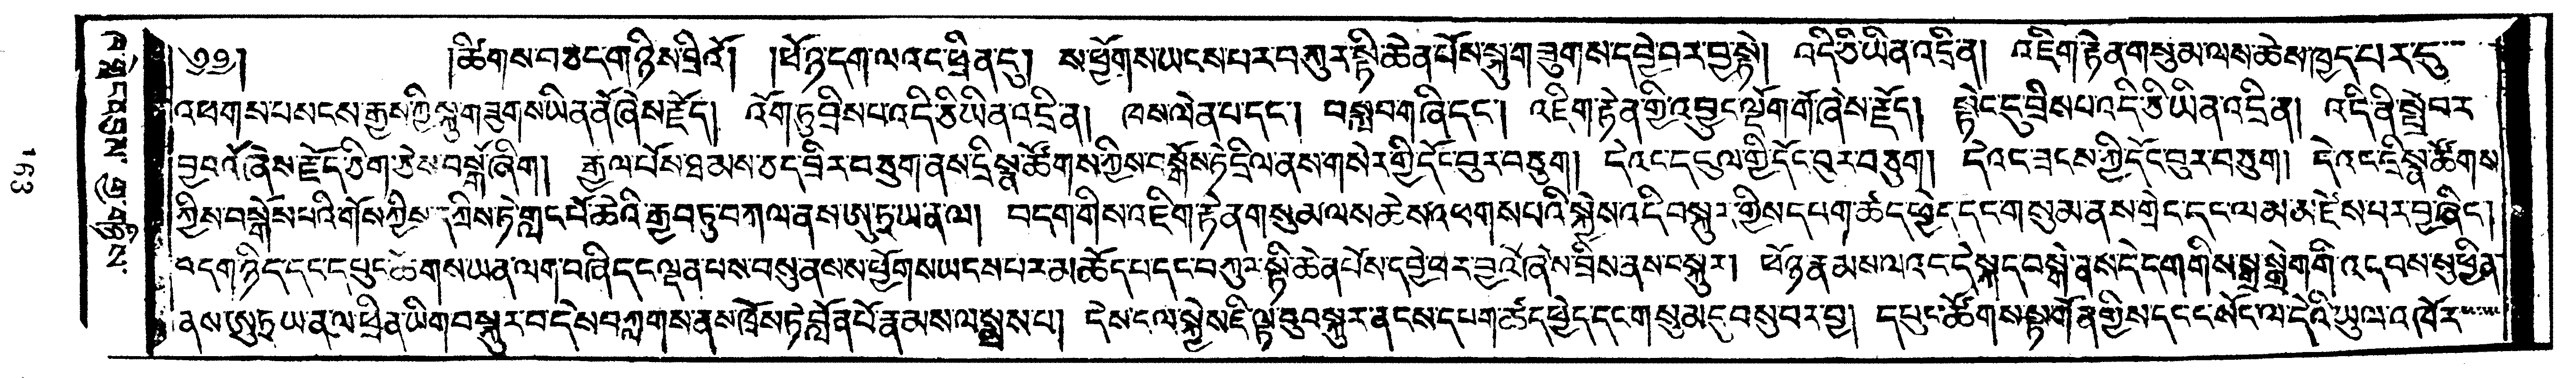༄༅། །ཚིགས་བཅད་གཉིས་བྲིའོ། །ཕོ་ཉ་དག་ལའང་ཕྲིན་དུ། ས་ཕྱོགས་ཡངས་པར་བཀུར་སྟི་ཆེན་པོས་སྐུ་གཟུགས་དབྱེ་བར་བྱ་སྟེ། འདི་ཅི་ཡིན་འདྲི་ན། འཇིག་རྟེན་གསུམ་ལས་ཆེས་ཁྱད་པར་དུ་
འཕགས་པ་སངས་རྒྱས་ཀྱི་སྐུ་གཟུགས་ཡིན་ནོ་ཞེས་རྗོད། འོག་ཏུ་བྲིས་པ་འདི་ཅི་ཡིན་འདྲི་ན། ཁས་ལེན་པ་དང་། བསླབ་གཞི་དང་། འཇིག་རྟེན་གྱི་འབྱུང་ལྡོག་གོ་ཞེས་རྗོད། སྟེང་དུ་བྲིས་པ་འདི་ཅི་ཡིན་འདྲི་ན། འདི་ནི་སྤྲེ་བར་
བྱ་བའོ་ཞེས་རྗོད་ཅིག་ཅེས་བསྒོ་ཞིག། རྒྱལ་པོས་ཐམས་ཅད་བྲིར་བཅུག་ནས་དྲི་སྣ་ཚོགས་ཀྱིས་བསྒོས་ཏེ་དྲིལ་ནས་གསེར་གྱི་དོང་བུར་བཅུག། དེའང་དངུལ་གྱི་དོང་བུར་བཅུག། དེའང་ཟངས་ཀྱི་དོང་བུར་བཅུག། དེའང་དྲི་སྣ་ཚོགས་
ཀྱིས་བསྒོས་པའི་གོས་ཀྱིས་དཀྲིས་ཏེ་གླང་པོ་ཆེའི་རྒྱབ་ཏུ་བཀལ་ནས་ཨུ་ཏྲ་ཡ་ན་ལ། བདག་གིས་འཇིག་རྟེན་གསུམ་ལས་ཆེས་འཕགས་པའི་སྐྱེས་འདི་བསྐུར་གྱིས་དཔག་ཚད་ཕྱེད་དང་གསུམ་ནས་གྲེང་དང་ལམ་མཛེས་པར་བྱ་ཞིང་།
བདག་ཉིད་དང་དཔུང་ཚོགས་ཡན་ལག་བཞི་དང་ལྡན་པས་བསུ་ནས་ས་ཕྱོགས་ཡངས་པར་མཆོད་པ་དང་བཀུར་སྟི་ཆེན་པོས་དབྱེ་བར་བྱའོ་ཞེས་བྲིས་ནས་བསྐུར། ཕོ་ཉ་རྣམས་ལའང་དེ་སྐད་བསྒེ་ནས་དེ་དག་གིས་སྒྲ་སྒྲེག་གི་འདབས་སུ་ཕྱིན་
ནས་ཨུཏྲ་ཡ་ན་ལ་ཕྲིན་ཡིག་བསྐུར་བ་དེས་བཀླགས་ནས་ཁྲོས་ཏེ་བློན་པོ་རྣམས་ལ་སྨྲས་པ། དེས་ངལ་སྐྱེས་ཇི་ལྟ་བུ་བསྐུར་ནངས་དཔག་ཚད་ཕྱེད་དང་གསུམ་དུ་བསུ་བར་བྱ། དཔུང་ཚོགས་སྟ་གོན་གྱིས་དང་ང་སོང་ལ་དེའི་ཡུལ་འཁོར་